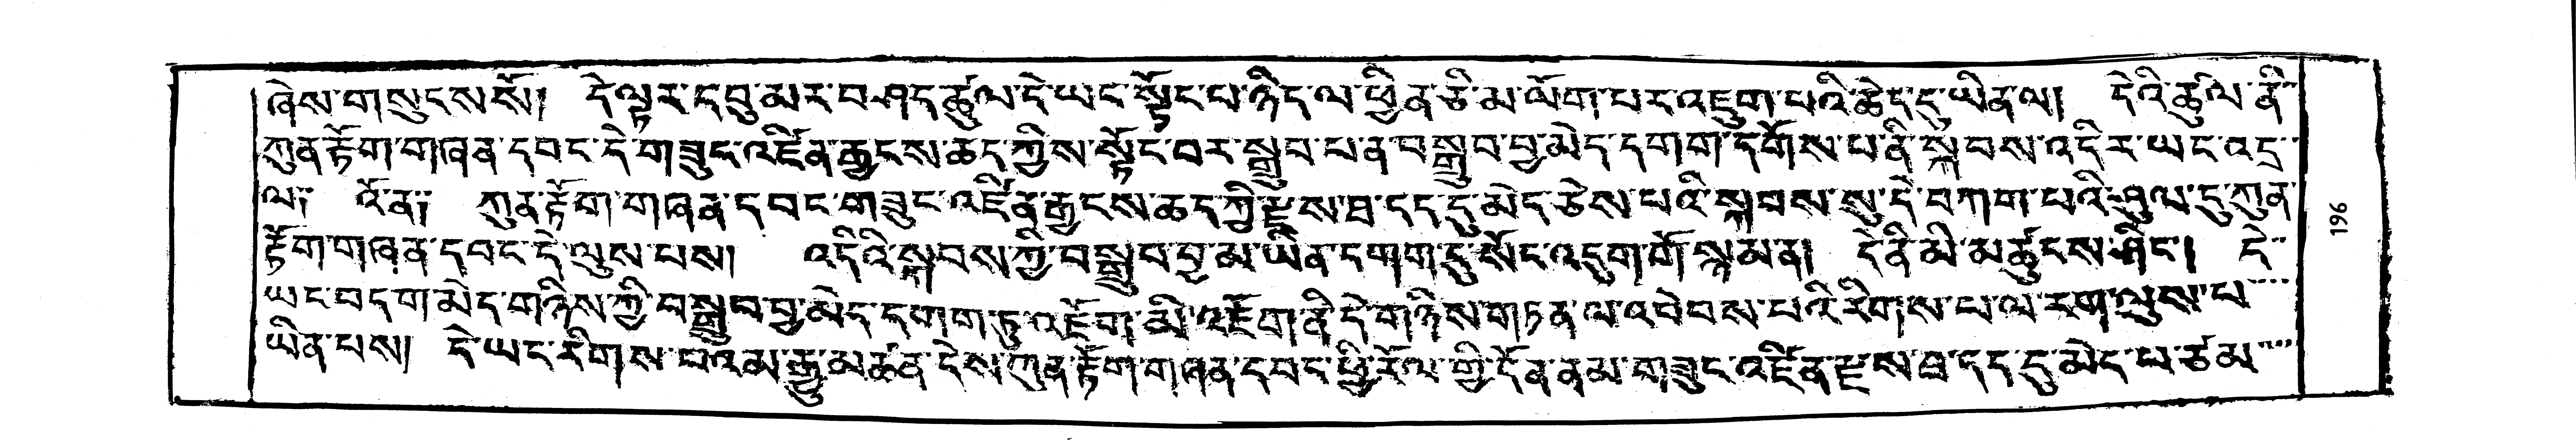ཞེས་གསུངས་སོ། དེ་ལྟར་དབུ་མར་བཤད་ཚུལ་དེ་ཡང་སྟོང་པ་ཉིད་ལ་ཕྱིན་ཅི་མ་ལོག་པར་འཇུག་པའི་ཆེད་དུ་ཡིན་ལ། དེའི་ཚུལ་ནི་
ཀུན་རྟོག་གཞན་དབང་དེ་གཟུང་འཛིན་རྒྱངས་ཆད་ཀྱིས་སྟོང་བར་སྒྲུབ་པ་ན་བསྒྲུབ་བྱ་མེད་དགག་དགོས་པ་ནི་སྐབས་འདིར་ཡང་འདྲ་
ལ། འོ་ན། ཀུན་རྟོག་གཞན་དབང་གཟུང་འཛིན་རྒྱངས་ཆད་ཀྱི་རྫས་ཐ་དད་དུ་མེད་ཅེས་པའི་སྐབས་སུ་དེ་བཀག་པའི་ཤུལ་དུ་ཀུན་
རྟོག་གཞན་དབང་དེ་ལུས་པས། འདིའི་སྐབས་ཀྱི་བསྒྲུབ་བྱ་མ་ཡིན་དགག་དུ་སོང་འདུག་གོ་སྙམ་ན། དེ་ནི་མི་མཚུངས་ཤིང་། དེ་
ཡང་བདག་མེད་གཉིས་ཀྱི་བསྒྲུབ་བྱ་མེད་དགག་ཏུ་འཇོག་མི་འཇོག་ནི་དེ་གཉིས་གཏན་ལ་འབེབས་པའི་རིགས་པ་ལ་རག་ལུས་པ་
ཡིན་པས། དེ་ཡང་རིགས་པའམ་རྒྱུ་མཚན་དེས་ཀུན་རྟོག་གཞན་དབང་ཕྱི་རོལ་གྱི་དོན་ནམ་གཟུང་འཛིན་རྫས་ཐ་དད་དུ་མེད་པ་ཙམ་